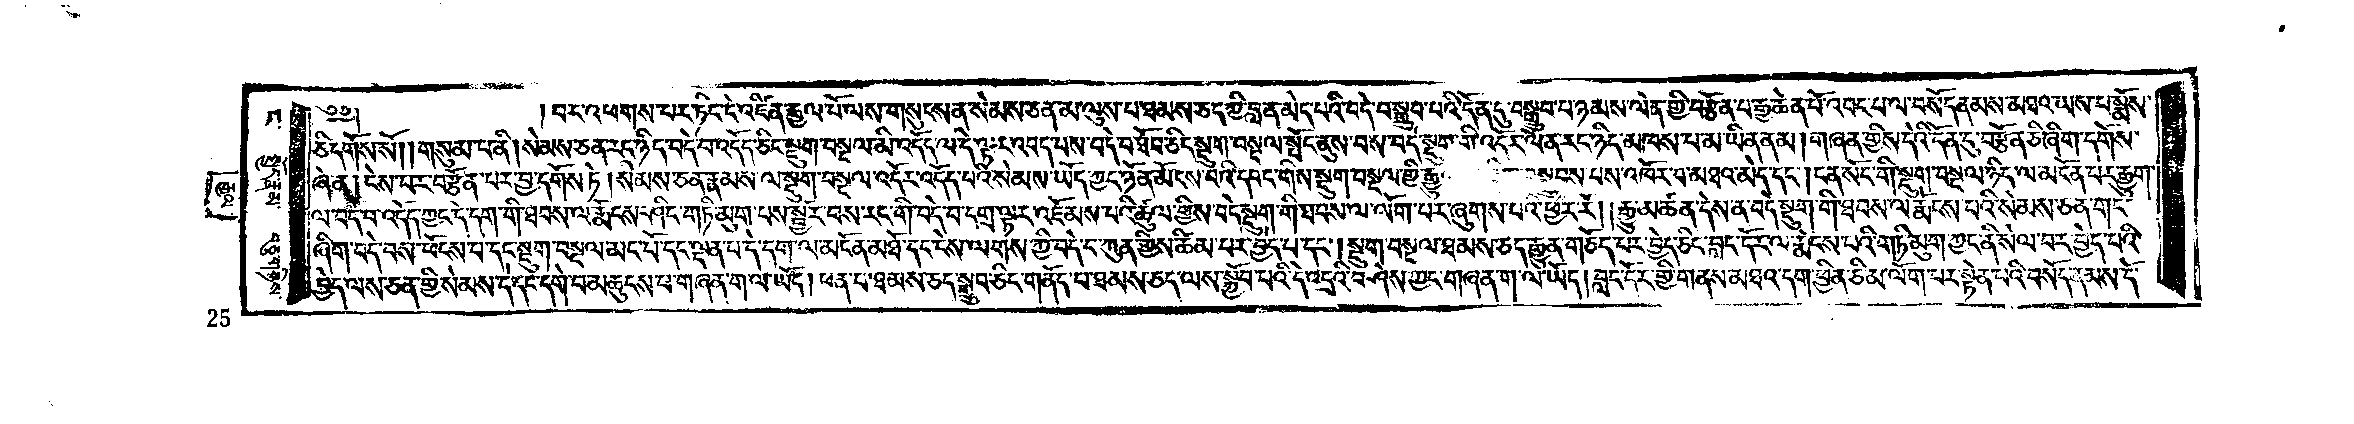༄༅། །པར་འཕགས་པར་ཏིང་ངེ་འཛིན་རྒྱལ་པོ་ལས་གསུངས་ན་སེམས་ཅན་མ་ལུས་པ་ཐམས་ཅད་ཀྱི་བླ་ན་མེ་དཔའི་བདེ་བསྒྲུབ་པའི་དོན་དུ་བསྒྱུར་པ་ཉམས་ལེན་གྱི་བརྩོན་པ་རྒྱས་ཆེན་པོ་འབར་བ་ལ་བསོད་ནམས་མཐའ་ཡས་པ་སྨོས་
ཅི་དགོས་སོ། །གསུམ་པ་ནི། སེམས་དན་རང་ཉིད་བདེ་བ་འདོད་ཅིང་སྡུག་བསྔལ་མི་འདོད་ལ་དེ་ལྟར་འབད་པས་བདེ་བ་ཐོབ་ཅིང་སྡུག་བསྔལ་སྤོང་ནུས་པས་བདེ་སྡུག་གི་འདོར་ལེན་རང་ཉིད་མཁས་པ་མ་ཡིན་ནམ། གཞན་གྱིས་དེའི་དོན་དུ་བརྩོན་ཅི་ཞིག་དགོས་
ཞེ་ན། ངེས་པར་བརྩོན་པར་བྱ་དགོས་ཏེ། སེམས་ཅན་རྣམས་ལ་སྡུག་བསྔལ་འདོར་འདོད་པའི་སེམས་ཡོད་ཀྱང་ཉོན་མོངས་པའི་དབང་གིས་སྡུག་བསྔལ་གྱི་རྒྱུ་འབའ་ཞིག་བསྒྲུབས་པས་འཁྲོ་བ་མཐའ་མེད་དང་། ངན་སོང་གི་སྡུག་བསྔལ་ཉིད་ལ་མངོན་པར་རྒྱུག་
ལ་བདེ་བ་འདོད་ཀྱང་དེ་དག་གི་ཐབས་ལ་རྨོངས་ཤིང་གཏི་མུག་པས་སྦྱོར་བས་རང་གི་བདེ་བ་དགྲ་ལྟར་འཇོམས་པའི་ཚུལ་གྱིས་བདེ་སྡུག་གི་ཐབས་ལ་ལོག་པར་ཞུགས་པའི་ཕྱིར་རོ། །རྒྱུ་མཚན་དེས་ན་བདེ་སྡུག་གི་ཐབས་ལ་རྨོངས་པའི་སེམས་ཅན་གང་
ཞིག་བདེ་བས་ཕོངས་པ་དང་སྡུག་བསྔལ་མང་པོ་དང་ལྡན་པ་དེ་དག་ལ་མངོན་མཐོ་དང་ངེས་ལེགས་ཀྱི་བདེ་བ་ཀུན་གྱིས་ཚིམ་པར་བྱེད་པ་དང་། སྡུག་བསྔལ་ཐམས་ཅད་རྒྱུན་གཅོད་པར་བྱེད་ཅིང་བླང་དོར་ལ་རྨོངས་པའི་གཏི་མུག་ཀྱང་ནི་སེལ་བར་བྱེད་པའི་
བྱེད་ལས་ཅན་གྱི་སེམས་ཅེ་དང་དགེ་བ་མཚུངས་པ་གཞན་ག་ལ་ཡོད། ཕན་པ་ཐམས་ཅད་སྒྲུབ་ཅིང་གནོད་པ་ཐམས་ཅད་ལས་སྐྱོབ་པའི་དེ་འདྲའི་བཤེས་ཀྱང་གཞན་ག་ལ་ཡོད། བླང་དོར་གྱི་གནས་མཐའ་དག་ཕྱིན་ཅི་མ་ལོག་པར་སྟེན་པའི་བསོད་ནམས་དོ་